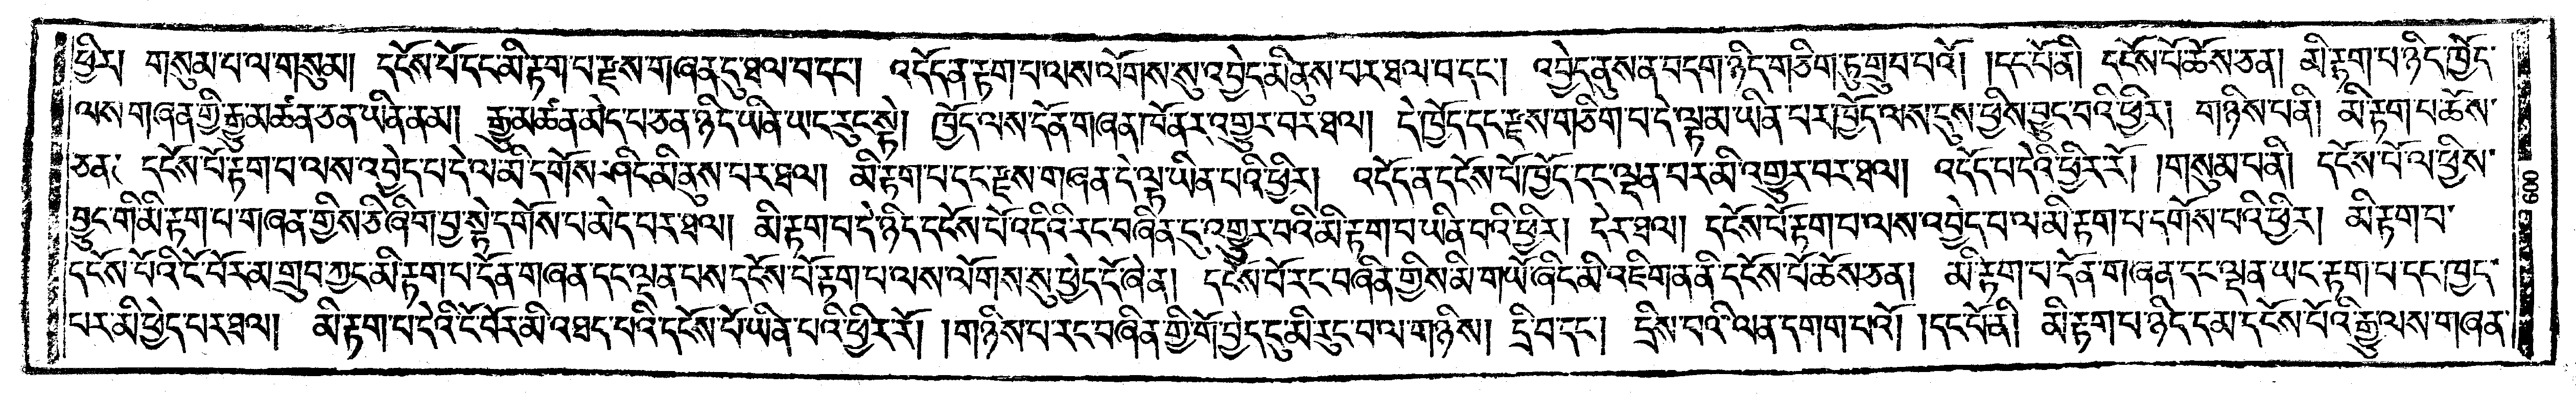ཕྱིར། གསུམ་པ་ལ་གསུམ། དངོས་པོ་དང་མི་རྟག་པ་རྫས་གཞན་དུ་ཐལ་བ་དང་། འདོད་ན་རྟག་པ་ལས་ལོགས་སུ་འབྱེད་མི་ནུས་པར་ཐལ་བ་དང་། འབྱེད་ནུས་ན་བདག་ཉིད་གཅིག་ཏུ་གྲུབ་པའོ། །དང་པོ་ནི། དངོས་པོ་ཆོས་ཅན། མི་རྟག་པ་ཉིད་ཁྱོད་
ལས་གཞན་གྱི་རྒྱུ་མཚན་ཅན་ཡིན་ནམ། རྒྱུ་མཚན་མེད་པ་ཅན་ཉིད་ཡིན་ཡང་རུང་སྟེ། ཁྱོད་ལས་དོན་གཞན་ཁོ་ནར་འགྱུར་བར་ཐལ། དེ་ཁྱོད་དང་རྫས་གཅིག་པ་དེ་ལྟ་མ་ཡིན་པར་ཁྱོད་ལས་དུས་ཕྱིས་བྱུང་བའི་ཕྱིར། གཉིས་པ་ནི། མི་རྟག་པ་ཆོས་
ཅན། དངོས་པོ་རྟག་པ་ལས་འབྱེད་པ་དེ་ལ་མི་དགོས་ཤིང་མི་ནུས་པར་ཐལ། མི་རྟག་པ་དང་རྫས་གཞན་དེ་ལྟ་ཡིན་པའི་ཕྱིར། འདོད་ན་དངོས་པོ་ཁྱོད་དང་ལྡན་པར་མི་འགྱུར་བར་ཐལ། འདོད་པ་དེའི་ཕྱིར་རོ། །གསུམ་པ་ནི། དངོས་པོ་ལ་ཕྱིས་
བྱུང་གི་མི་རྟག་པ་གཞན་གྱིས་ཅི་ཞིག་བྱ་སྟེ་དགོས་པ་མེད་པར་ཐལ། མི་རྟག་པ་དེ་ཉིད་དངོས་པོ་འདིའི་རང་བཞིན་དུ་འགྱུར་བའི་མི་རྟག་པ་ཡིན་པའི་ཕྱིར། དེར་ཐལ། དངོས་པོ་རྟག་པ་ལས་འབྱེད་པ་ལ་མི་རྟག་པ་དགོས་པའི་ཕྱིར། མི་རྟག་པ་
དངོས་པོའི་ངོ་བོར་མ་གྲུབ་ཀྱང་མི་རྟག་པ་དོན་གཞན་དང་ལྡན་པས་དངོས་པོ་རྟག་པ་ལས་ལོགས་སུ་ཕྱེད་དོ་ཞེ་ན། དངོས་པོ་རང་བཞིན་གྱིས་མི་གཡོ་ཞིང་མི་འཇིག་ན་ནི་དངོས་པོ་ཆོས་ཅན། མི་རྟག་པ་དོན་གཞན་དང་ལྡན་ཡང་རྟག་པ་དང་ཁྱད་
པར་མི་ཕྱེད་པར་ཐལ། མི་རྟག་པ་དེའི་ངོ་བོར་མི་འཐད་པའི་དངོས་པོ་ཡིན་པའི་ཕྱིར་རོ། །གཉིས་པ་རང་བཞིན་གྱི་གོ་བྱེད་དུ་མི་རུང་བ་ལ་གཉིས། དྲི་བ་དང་། དྲིས་བའི་ལན་དགག་པའོ། །དང་པོ་ནི། མི་རྟག་པ་ཉིད་དམ་དངོས་པོའི་རྒྱུ་ལས་གཞན་